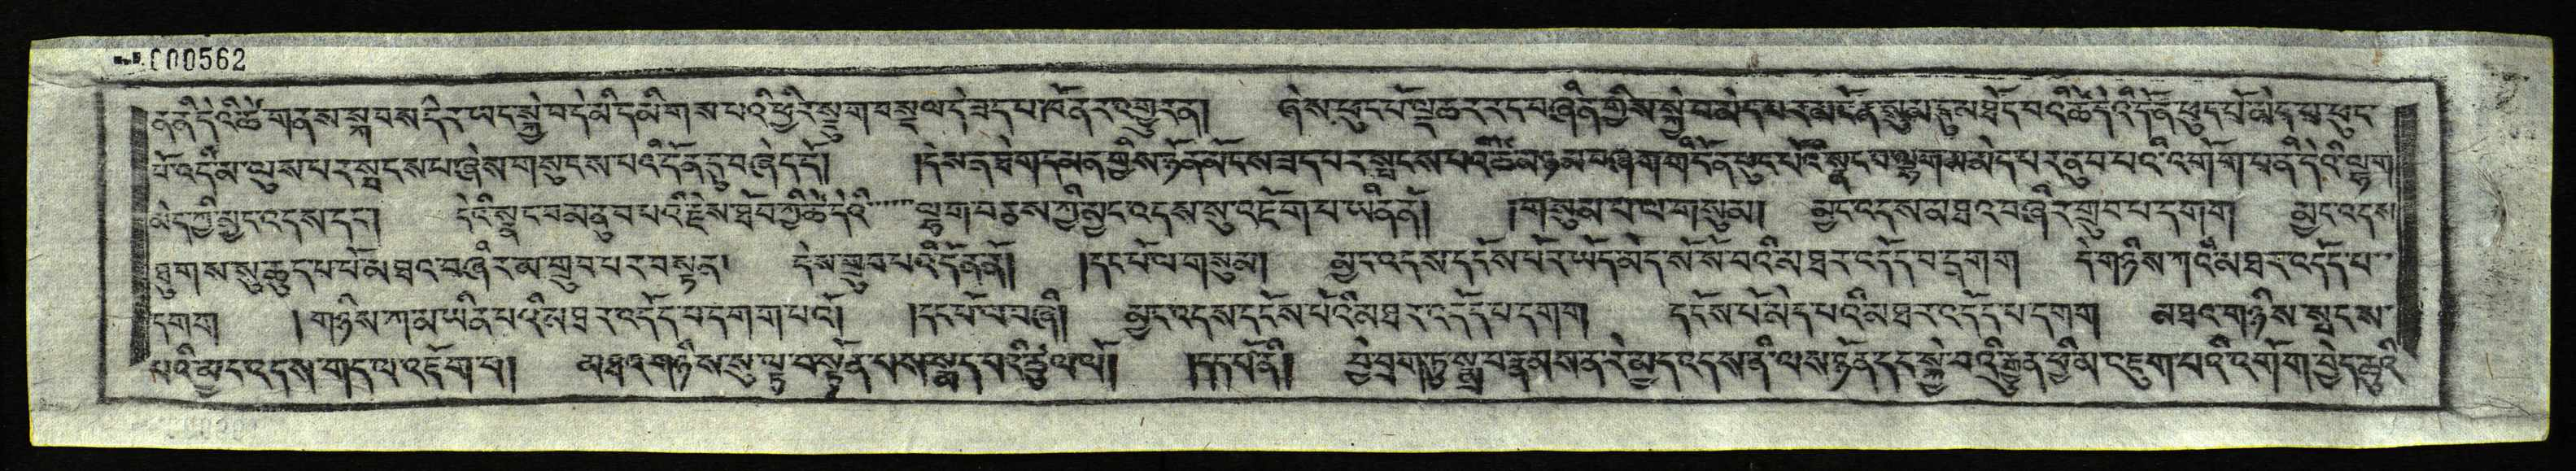ན་ནི་དེའི་ཚེ་གནས་སྐབས་དེར་ཡང་སྐྱེ་བ་དེ་མི་དམིགས་པའི་ཕྱིར་སྡུག་བསྔལ་དེ་ཟད་པ་ཁོ་ནར་འགྱུར་ན། ཞེས་ཕུང་པོ་ལྔ་ཆར་རང་བཞིན་གྱིས་སྐྱེ་བ་མེད་པར་མངོན་སུམ་དུ་མཐོང་བའི་ཚེ་དེའི་དོན་ཕུང་པོ་མེད་པ་ཕུང་
པོ་འདི་མ་ལུས་པར་སྤངས་པ་ཞེས་གསུངས་པའི་དོན་དུ་བཞེད་དོ། །དེས་ན་ཐེག་དམན་གྱིས་ཉོན་མོངས་ཟད་པར་སྤངས་པའི་ཚེ་མཉམ་བཞག་གི་དོན་ཕུང་པོའི་སྣང་བ་ལྷག་མ་མེད་པར་ནུབ་པའི་འགོག་པ་ནི་དེའི་ལྷག་
མེད་ཀྱི་མྱང་འདས་དང་། དེའི་སྣང་བ་མ་ནུབ་པའི་རྗེས་ཐོབ་ཀྱི་ཚེ་དེའི་ལྷག་བཅས་ཀྱི་མྱང་འདས་སུ་འཇོག་པ་ཡིན་ནོ། །གསུམ་པ་ལ་གསུམ། མྱང་འདས་མཐའ་བཞིར་གྲུབ་པ་དགག་མྱང་འདས་
ཐུགས་སུ་ཆུད་པ་པོ་མཐའ་བཞིར་མ་གྲུབ་པར་བསྟན། དེས་གྲུབ་པའི་དོན་ནོ། །དང་པོ་ལ་གསུམ། མྱང་འདས་དངོས་པོར་ཡོད་མེད་སོ་སོ་བའི་མཐར་འདོད་པ་དགག་དེ་གཉིས་ཀའི་མཐའ་འདོད་པ་
དགག །གཉིས་ཀ་མ་ཡིན་པའི་མཐར་འདོད་པ་དགག་པའོ། །དང་པོ་ལ་བཞི། མྱང་འདས་དངོས་པོའི་མཐར་འདོད་པ་དགག་དངོས་པོ་མེད་པའི་མཐར་འདོད་པ་དགག་མཐའ་གཉིས་སྤངས་
པའི་མྱང་འདས་གང་ལ་འཇོག་པ། མཐའ་གཉིས་སུ་ལྟ་བསྟོན་པས་སྨད་པའི་ཚུལ་ལོ། །དང་པོ་ནི། བྱེ་བྲག་ཏུ་སྨྲ་བ་རྣམས་ན་རེ་མྱང་འདས་ནི་ལས་ཉོན་དང་སྐྱེ་བའི་རྒྱུན་ཕྱི་མ་འཇུག་པའི་འགོག་བྱེད་ཆུའི་